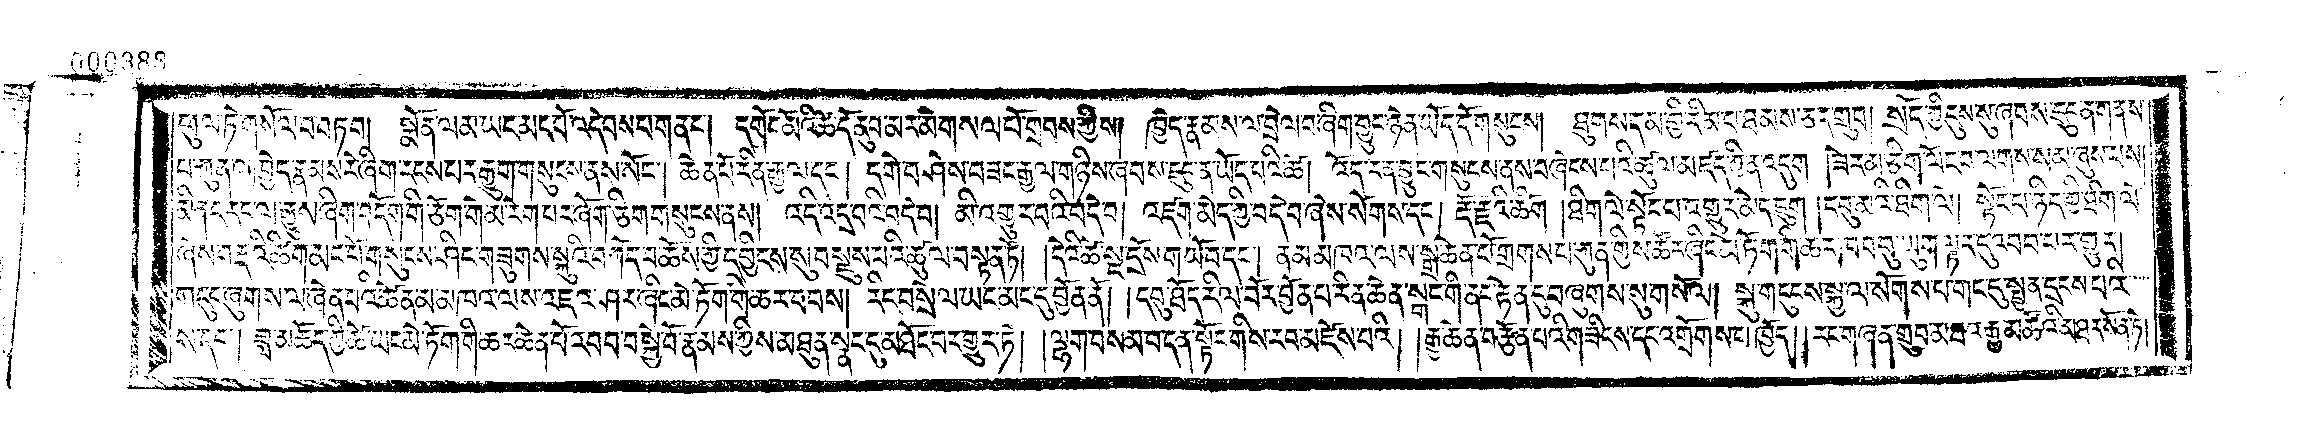ཕུལ་ཏེ་གསོལ་བ་བཏབ། སྨོན་ལམ་ཡང་མང་པོ་འདེབས་པ་གནང་། ད་གོང་མོའི་ཚེ་དོ་ནུབ་མར་མེ་གསལ་བོ་གྲབས་ཀྱིས། ཁྱེད་རྣམས་ལ་བྲེལ་པ་ཞིག་བྱུང་ཉེན་ཡོད་དོ་གསུངས། ཐུགས་དམ་གྱི་རིམ་པ་ཐམས་ཅད་གྲུབ། སྲོད་ཀྱི་དུས་སུ་ཞབས་དྲུང་ནག་ནས་
པ་ཀུན་ལ་ཁྱེད་རྣམས་རེ་ཞིག་རངས་པར་རྒྱུག་གསུངས་ནས་སོང་། ཆེན་པོ་རིན་རྒྱལ་དང་། དགེ་བཤེས་བཟང་རྒྱལ་གཉིས་ཞབས་དྲུང་ན་ཡོད་པའི་ཚེ། འོ་ད་རན་བྱུང་གསུངས་ནས་བཞེངས་པའི་ཚུལ་མཛད་ཀྱིན་འདུག །ཟེར་མ་ཅིག་འོང་བ་ལགས་སམ་ཞུས་པས།
མིན་ང་རང་ལ་རྒྱུས་ཞིག་བདོག་གི་ཅོག་གེ་མ་རེག་པར་ཞོག་ཅིག་གསུངས་ནས། འདི་འདྲ་བའི་བདེ་བ། མི་འགྱུར་བའི་བདེ་བ། འཛག་མེད་ཀྱི་བདེ་བ་ཞེས་སོགས་དང་། རྡོ་རྗེའི་ཚིག །ཐིག་ལེ་སྟོང་པ་འགྱུར་མེད་དྲུག །དབུ་མའི་ཐིག་ལེ། སྟོང་པ་ཉིད་ཀྱི་ཐིག་ལེ་
ཞེས་བརྡའི་ཚིག་མང་པོ་གསུངས་ཤིང་གཟུགས་སྐུའི་བཀོད་པ་ཆོས་ཀྱི་དབྱིངས་སུ་བསྡུས་པའི་ཚུལ་བསྟན་ཏོ། །དེའི་ཚེ་སྔ་དྲོ་ས་གཡོ་བ་དང་། ནམ་མཁའ་ལས་སྒྲ་ཆེན་པོ་གྲགས་པ་ཀུན་གྱིས་ཚོར་ཞིང་མེ་ཏོག་གི་ཆར་ཁ་བ་བུ་ཡུག་ལྟར་དུ་འབབ་པར་གྱུར།
གདུང་ཞུགས་ལ་ཞེན་པའི་ཚེ་ནམ་མཁའ་ལས་འཇའ་ཤར་ཞིང་མེ་ཏོག་གི་ཆར་བབས། རིང་བསྲེལ་ཡང་མང་དུ་བྱོན་ནོ། །དབུ་ཐོད་རིལ་པོར་བྱོན་པ་རིན་ཆེན་སྒང་གི་ནང་རྟེན་དུ་བཞུགས་སུ་གསོལ། སྐུ་གདུང་ས་སྐྱ་ལ་སོགས་པ་གང་དུ་སྤྱན་དྲངས་པའི་
ས་དང་། ཟླ་མཆོད་ཀྱི་ཚེ་ཡང་མེ་ཏོག་གི་ཆར་ཆེན་པོ་འབབ་བ་སྐྱེ་བོ་རྣམས་ཀྱིས་མཐུན་སྣང་དུ་མཐོང་བར་གྱུར་ཏོ། །ལྷག་བསམ་བ་དན་སྟོང་གིས་རབ་མཛེས་པའི། །རྒྱ་ཆེན་བརྩོན་པའི་གཟིངས་དང་འགྲོགས་པ་ཁྱོད། །རང་གཞན་གྲུབ་མཐའ་རྒྱ་མཚོའི་མཐར་སོན་ཏེ། །